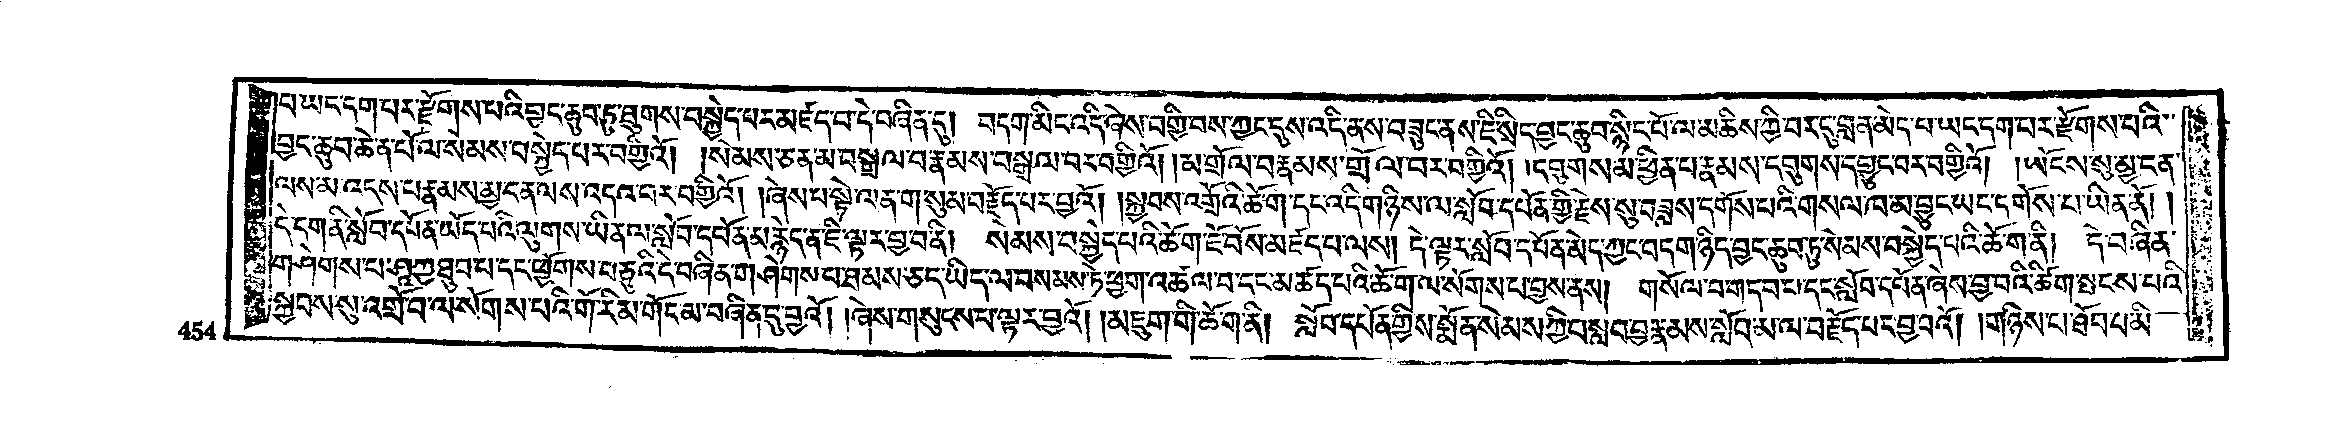པ་ཡང་དག་པར་རྫོགས་པའི་བྱང་ཆུབ་ཏུ་ཐུགས་བསྐྱེད་པར་མཛད་པ་དེ་བཞིན་དུ། བདག་མིང་འདི་ཞེས་བགྱི་བས་ཀྱང་དུས་འདི་ནས་བཟུང་ནས་ཇི་སྲིད་བྱང་ཆུབ་སྙིང་པོ་ལ་མཆིས་ཀྱི་བར་དུ་བླ་ན་མེད་པ་ཡང་དག་པར་རྫོགས་པའི་
བྱང་ཆུབ་ཆེན་པོ་ལ་སེམས་བསྐྱེད་པར་བགྱིའོ། །སེམས་ཅན་མ་བསྒྲལ་བ་རྣམས་བསྒྲལ་བར་བགྱིའོ། །མ་གྲོལ་བ་རྣམས་གྲོལ་བར་བགྱིའོ། །དབུགས་མ་ཕྱིན་པ་རྣམས་དབུགས་དབྱུང་བར་བགྱིའོ། །ཡོངས་སུ་མྱ་ངན་
ལས་མ་འདས་པ་རྣམས་མྱ་ངན་ལས་འདའ་བར་བགྱིའོ། །ཞེས་པ་སྟེ་ལན་གསུམ་བརྗོད་པར་བྱའོ། །སྐྱབས་འགྲོའི་ཆོ་ག་དང་འདི་གཉིས་ལ་སློབ་དཔོན་གྱི་རྗེས་སུ་བཟླས་དགོས་པའི་གསལ་ཁ་མ་བྱུང་ཡང་དགོས་པ་ཡིན་ནོ། །
དེ་དག་ནི་སློབ་དཔོན་ཡོད་པའི་ལུགས་ཡིན་ལ་སློབ་དཔོན་མ་རྙེད་ན་ཇི་ལྟར་བྱ་བ་ནི། སེམས་བསྐྱེད་པའི་ཆོ་ག་ཇོ་བོས་མཛད་པ་ལས། དེ་ལྟར་སློབ་དཔོན་མེད་ཀྱང་བདག་ཉིད་བྱང་ཆུབ་ཏུ་སེམས་བསྐྱེད་པའི་ཆོ་ག་ནི། དེ་བཞིན་
གཤེགས་པ་ཤཱཀྱ་ཐུབ་པ་དང་ཕྱོགས་བཅུའི་དེ་བཞིན་གཤེགས་པ་ཐམས་ཅད་ཡིད་ལ་བསམས་ཏེ་ཕྱག་འཚལ་བ་དང་མཆོད་པའི་ཆོ་ག་ལ་སོགས་པ་བྱས་ནས། གསོལ་བ་གདབ་པ་དང་སློབ་དཔོན་ཞེས་བྱ་བའི་ཚིག་སྤངས་པའི་
སྐྱབས་སུ་འགྲོ་བ་ལ་སོགས་པའི་གོ་རིམ་གོང་མ་བཞིན་དུ་བྱའོ། །ཞེས་གསུངས་པ་ལྟར་བྱའོ། །མཇུག་གི་ཆོ་ག་ནི། སློབ་དཔོན་གྱིས་སྨོན་སེམས་ཀྱི་བསླབ་བྱ་རྣམས་སློབ་མ་ལ་བརྗོད་པར་བྱ་བའོ། །གཉིས་པ་ཐོབ་པ་མི་